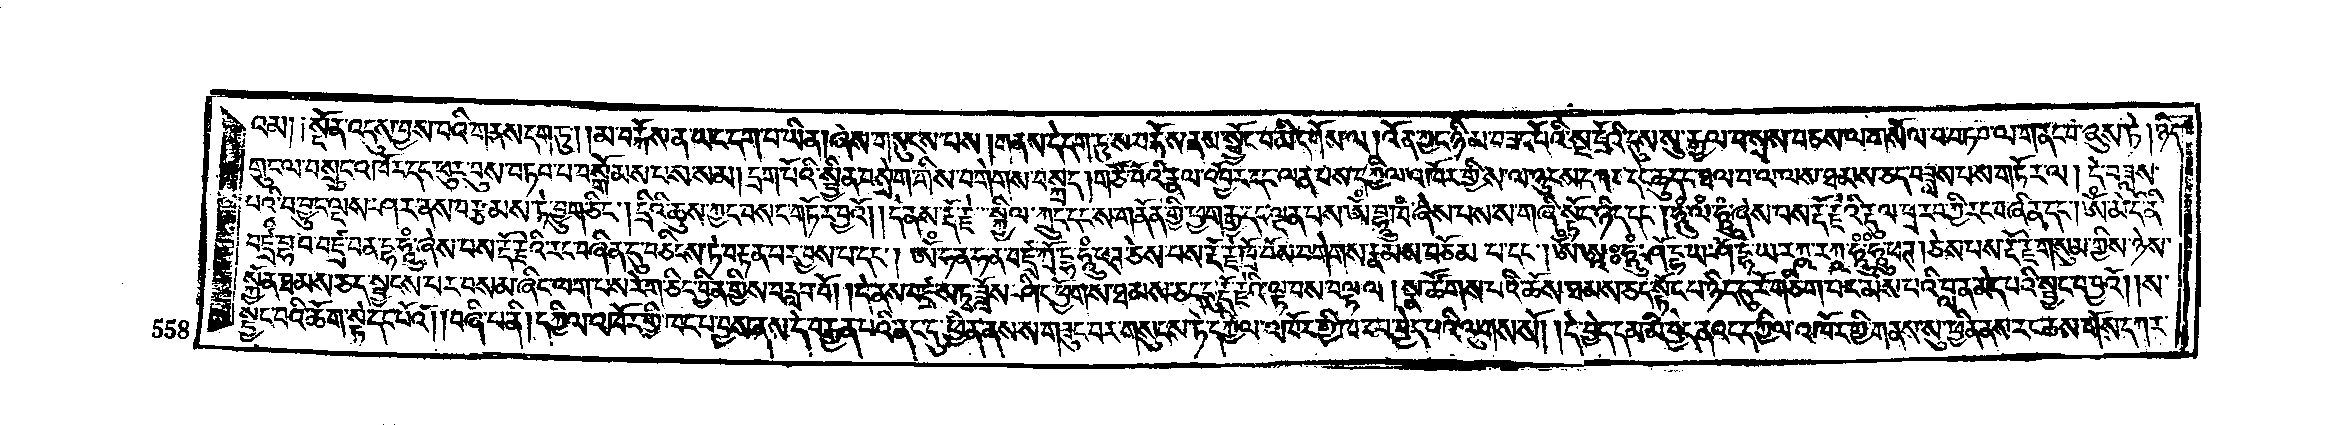འམ། སྔོན་འདུས་བྱས་པའི་གནས་དག་ཏུ། །མ་བརྐོས་ན་ཡང་དག་པ་ཡིན། ཞེས་གསུངས་པས། གནས་དེ་དག་ཏུ་ས་བརྐོས་ནས་སྦྱོང་བ་མི་དགོས་ལ། འོན་ཀྱང་ཉི་མ་བཟང་པོའི་སྔ་དྲོའི་དུས་སུ་རྒྱལ་བ་སྲས་བཅས་ལ་གསོལ་བ་བཏབ་ལ་གནང་བ་ཞུས་ཏེ། ཉི་
གུང་ལ་བསྲུང་འཁོར་དང་ཕུར་བུས་བཏབ་པ་བསྒོམས་པས་སམ། དྲག་པོའི་སྦྱིན་བསྲེག་གིས་བགེགས་བསྐྲད། གཙོ་བོའི་རྣལ་འབྱོར་དང་ལྡན་པས་དཀྱིལ་འཁོར་གྱི་ས་ལ་ཉུངས་དཀར་དང་ཆུ་དང་ཐལ་བ་ལ་ལས་ཐམས་ཅད་བཟླས་པས་གཏོར་ལ། དེ་བཟླས་
པའི་བ་བྱུང་ལྔས་ཤར་ནས་བརྩམས་ཏེ་བྱུག་ཅིང་། དྲིའི་ཆུས་ཀྱང་བསང་གཏོར་བྱའོ། །དེ་ནས་རྡོ་རྗེ་སྐྱིལ་ཀྲུང་དང་ས་གནོན་གྱི་ཕྱག་རྒྱ་དང་ལྡན་པས་ཨོཾ་བཧཱུ་ཁཾ་ཞེས་པས་ས་གཞི་སྟོང་ཉིད་དང་། ཧཱུཾ་ལཾ་ཧཱུཾ་ཞེས་པས་རྡོ་རྗེའི་རྡུལ་ཕྲ་རབ་ཀྱི་རང་བཞིན་དང་། ཨོཾ་མེ་དི་ནི་
བཛྲཾ་བྷ་བ་བཛྲ་བན་དྷ་ཧཱུཾ་ཞེས་པས་རྡོ་རྗེའི་རང་བཞིན་དུ་བཅིངས་ཏེ་བརྟན་པར་བྱས་པ་དང་། ཨོཾ་ཧ་ན་ཧ་ན་བཛྲ་ཀྲོ་དྷ་ཧཱུཾ་ཕཊ་ཅེས་པས་རྡོ་རྗེ་ཁྲོ་བོས་བགེགས་རྣམས་བཅོམ་པ་དང་། ཨོཾ་ཨཱཿ ཧཱུཾ་ཤོ་དྷ་ཡ་ཤོ་དྷ་ཡ་རཀྵ་རཀྵ་ཧཱུཾ་ཧཱུཾ་ཕཊ། ཅེས་པས་རྡོ་རྗེ་གསུམ་གྱིས་ཉེས་
སྐྱོན་ཐམས་ཅད་སྦྱངས་པར་བསམ་ཞིང་ལག་པས་རེག་ཅིང་བྱིན་གྱིས་བརླབ་བོ། །དེ་ནས་བཛྲ་སཏྭ་ཟློས་ཤིང་ཕྱོགས་ཐམས་ཅད་དུ་རྡོ་རྗེའི་ལྟ་བས་བལྟ་ལ། སྣ་ཚོགས་པའི་ཆོས་ཐམས་ཅད་སྟོང་པ་ཉིད་དུ་རོ་གཅིག་པར་མོས་པའི་བླ་ན་མེད་པའི་སྦྱང་བ་བྱའོ། །ས་
སྦྱང་བའི་ཆོ་ག་སྟེ་དང་པོའོ། །བཞི་པ་ནི། དཀྱིལ་འཁོར་གྱི་ཁང་པ་བྱས་ནས་དེ་བརྒྱན་པའི་ནང་དུ་ཕྱིན་ནས་ས་གཟུང་བར་གསུངས་ཏེ་དཀྱིལ་འཁོར་གྱི་ཁང་པ་བྱེད་པའི་ལུགས་སོ། །དེ་བྱེད་དམ་མི་བྱེད་ནའང་དཀྱིལ་འཁོར་གྱི་གནས་སུ་ཕྱིན་ནས་རང་ཆས་གོས་དཀར་